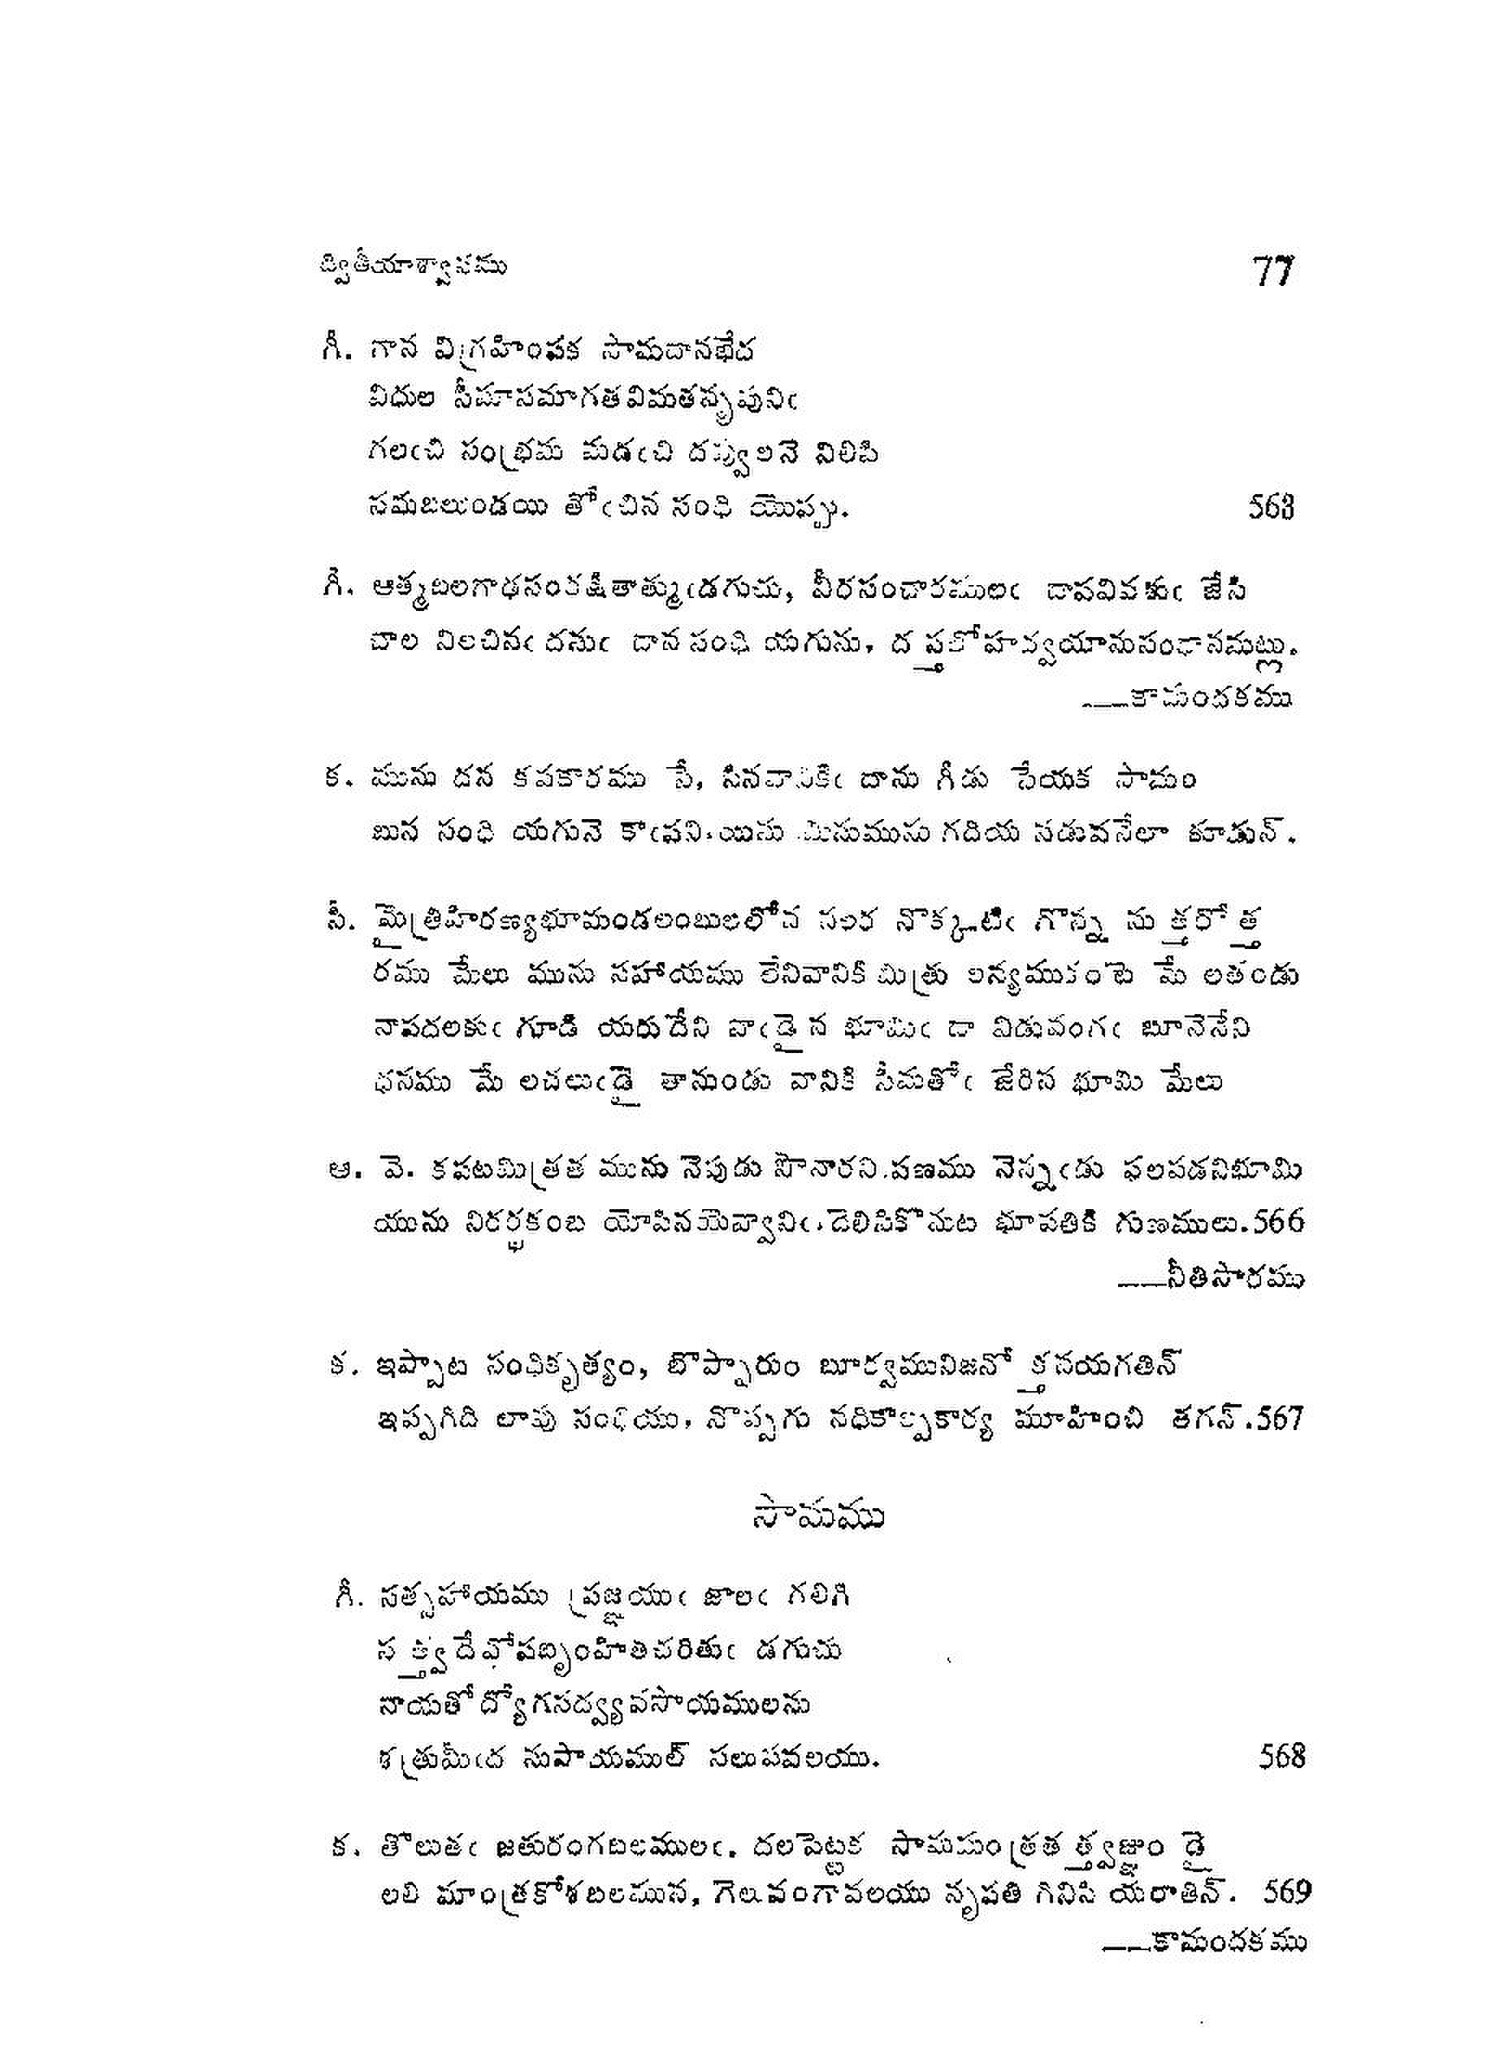గీ. గాన విగ్రహింపక సామదానభేద
విధుల సీమాసమాగతవిమతనృపునిఁ
గలఁచి సంభ్రమ మడఁచి దవ్వులె నిలిపి
సమబలుండయి తోఁచిన సంధి యొప్పు. 563

గీ. ఆత్మబలగాఢసంరక్షితాత్ముఁ డగుచు
వీరసంచారములఁ దాపవివశుఁ జేసి
చాల నిలచినఁ దనుఁ దాన సంధి యగును
దప్తలోహద్వయానుసంధానమట్లు. 564

క. మును దన కపకారము సే
సినవానికిఁ దాను గీడు సేయక సామం
బున సంధి యగునె కాఁపని
యిను మినుమును గదియ నడువనేలా కూడున్. 565

సీ. మైత్రిహిరణ్యభూమండలంబులలోన
నలర నొక్కటిఁ గొన్న నుత్తరోత్త
రము మేలు మును సహాయము లేనివానికి
మిత్రు లన్యముకంటె మే లతండు
నాపదలకుఁ గూడి యరుదేని వాఁడైన
భూమిఁ దా విడువంగఁ బూనెనేని
ధనము మే లచలుఁడై తానుండు వానికి
సీమతోఁ జేరిన భూమి మేలు
ఆ. కపటమిత్రత మును నెపుడు సొనారని
పణము నెన్నఁడు ఫలపడని భూమి
యును నిరర్థకంబ యోపినయెవ్వానిఁ
దెలిసికొనుట భూపతికి గుణములు. 566

క. ఇప్పాట సంధికృత్యం
బొప్పారుం బూర్వము నిజనోక్తనయగతిన్
ఇప్పగిది లావు సంధియు
నొప్పగు నధికాల్పకార్య మూహించి తగన్. 567

గీ. సత్సహాయము ప్రజ్ఞయుఁ జాలఁగలిగి
సత్త్వదేవోపబృంహితచరితుఁ డగుచు
నాయతోద్యోగసద్వ్యవసాయములను
శత్రుమీఁద నుపాయముల్ సలుపవలయు. 568

క. తొలుతఁ జతురంగబలములఁ
దలపెట్టక సామమంత్రతత్త్వజ్ఞుం డై
లలి మాంత్రకోశబలమున
గెలువంగావలయు నృపతి గినిసి యరాతిన్. 569